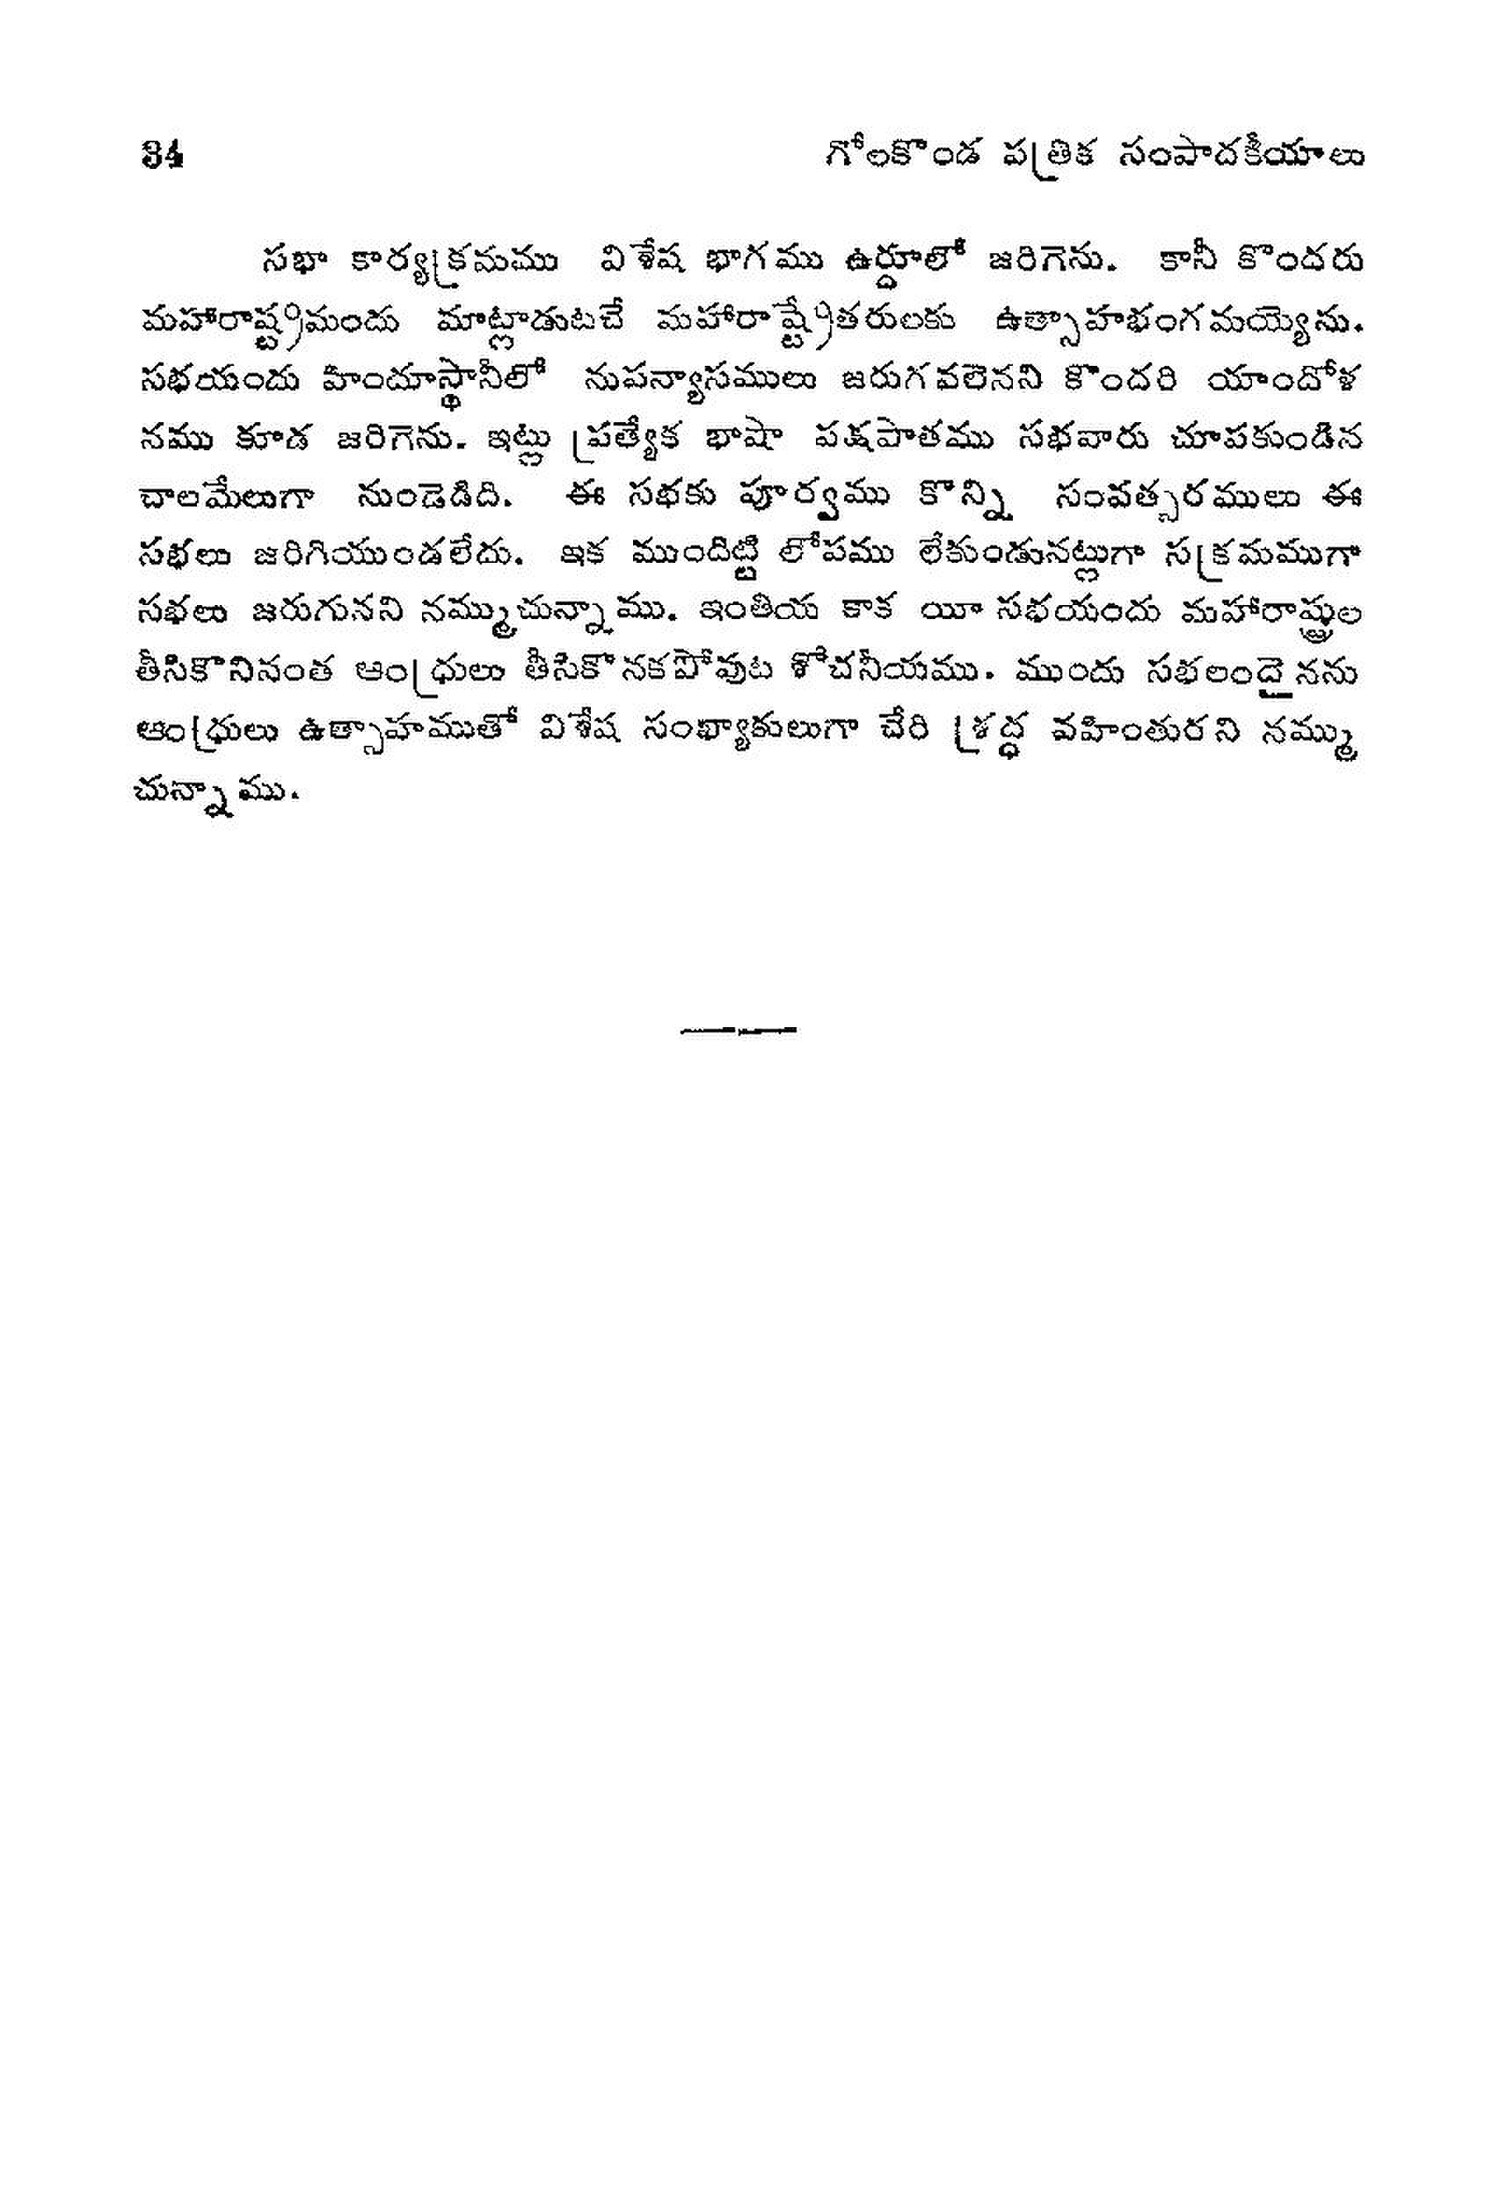సభా కార్యక్రమము విశేష భాగము ఉర్దూలో జరిగెను. కానీ కొందరు మహారాష్ట్రమందు మాట్లాడుటచే మహారాష్ట్రేతరులకు ఉత్సాహభంగమయ్యెను. సభయందు హిందూస్థానీలో నుపన్యాసములు జరుగవలెనని కొందరి యాందోళనము కూడ జరిగెను. ఇట్లు ప్రత్యేక భాషా పక్షపాతము సభవారు చూపకుండిన చాలమేలుగా నుండెడిది. ఈ సభకు పూర్వము కొన్ని సంవత్సరములు ఈ సభలు జరిగియుండలేదు. ఇక ముందిట్టి లోపము లేకుండునట్లుగా సక్రమముగా సభలు జరుగునని నమ్ముచున్నాము. ఇంతియ కాక యీ సభయందు మహారాష్ట్రుల తీసికొనినంత ఆంధ్రులు తీసికొనకపోవుట శోచనీయము. ముందు సభలందైనను ఆంధ్రులు ఉత్సాహముతో విశేష సంఖ్యాకులుగా చేరి శ్రద్ధ వహింతురని నమ్ముచున్నాము.